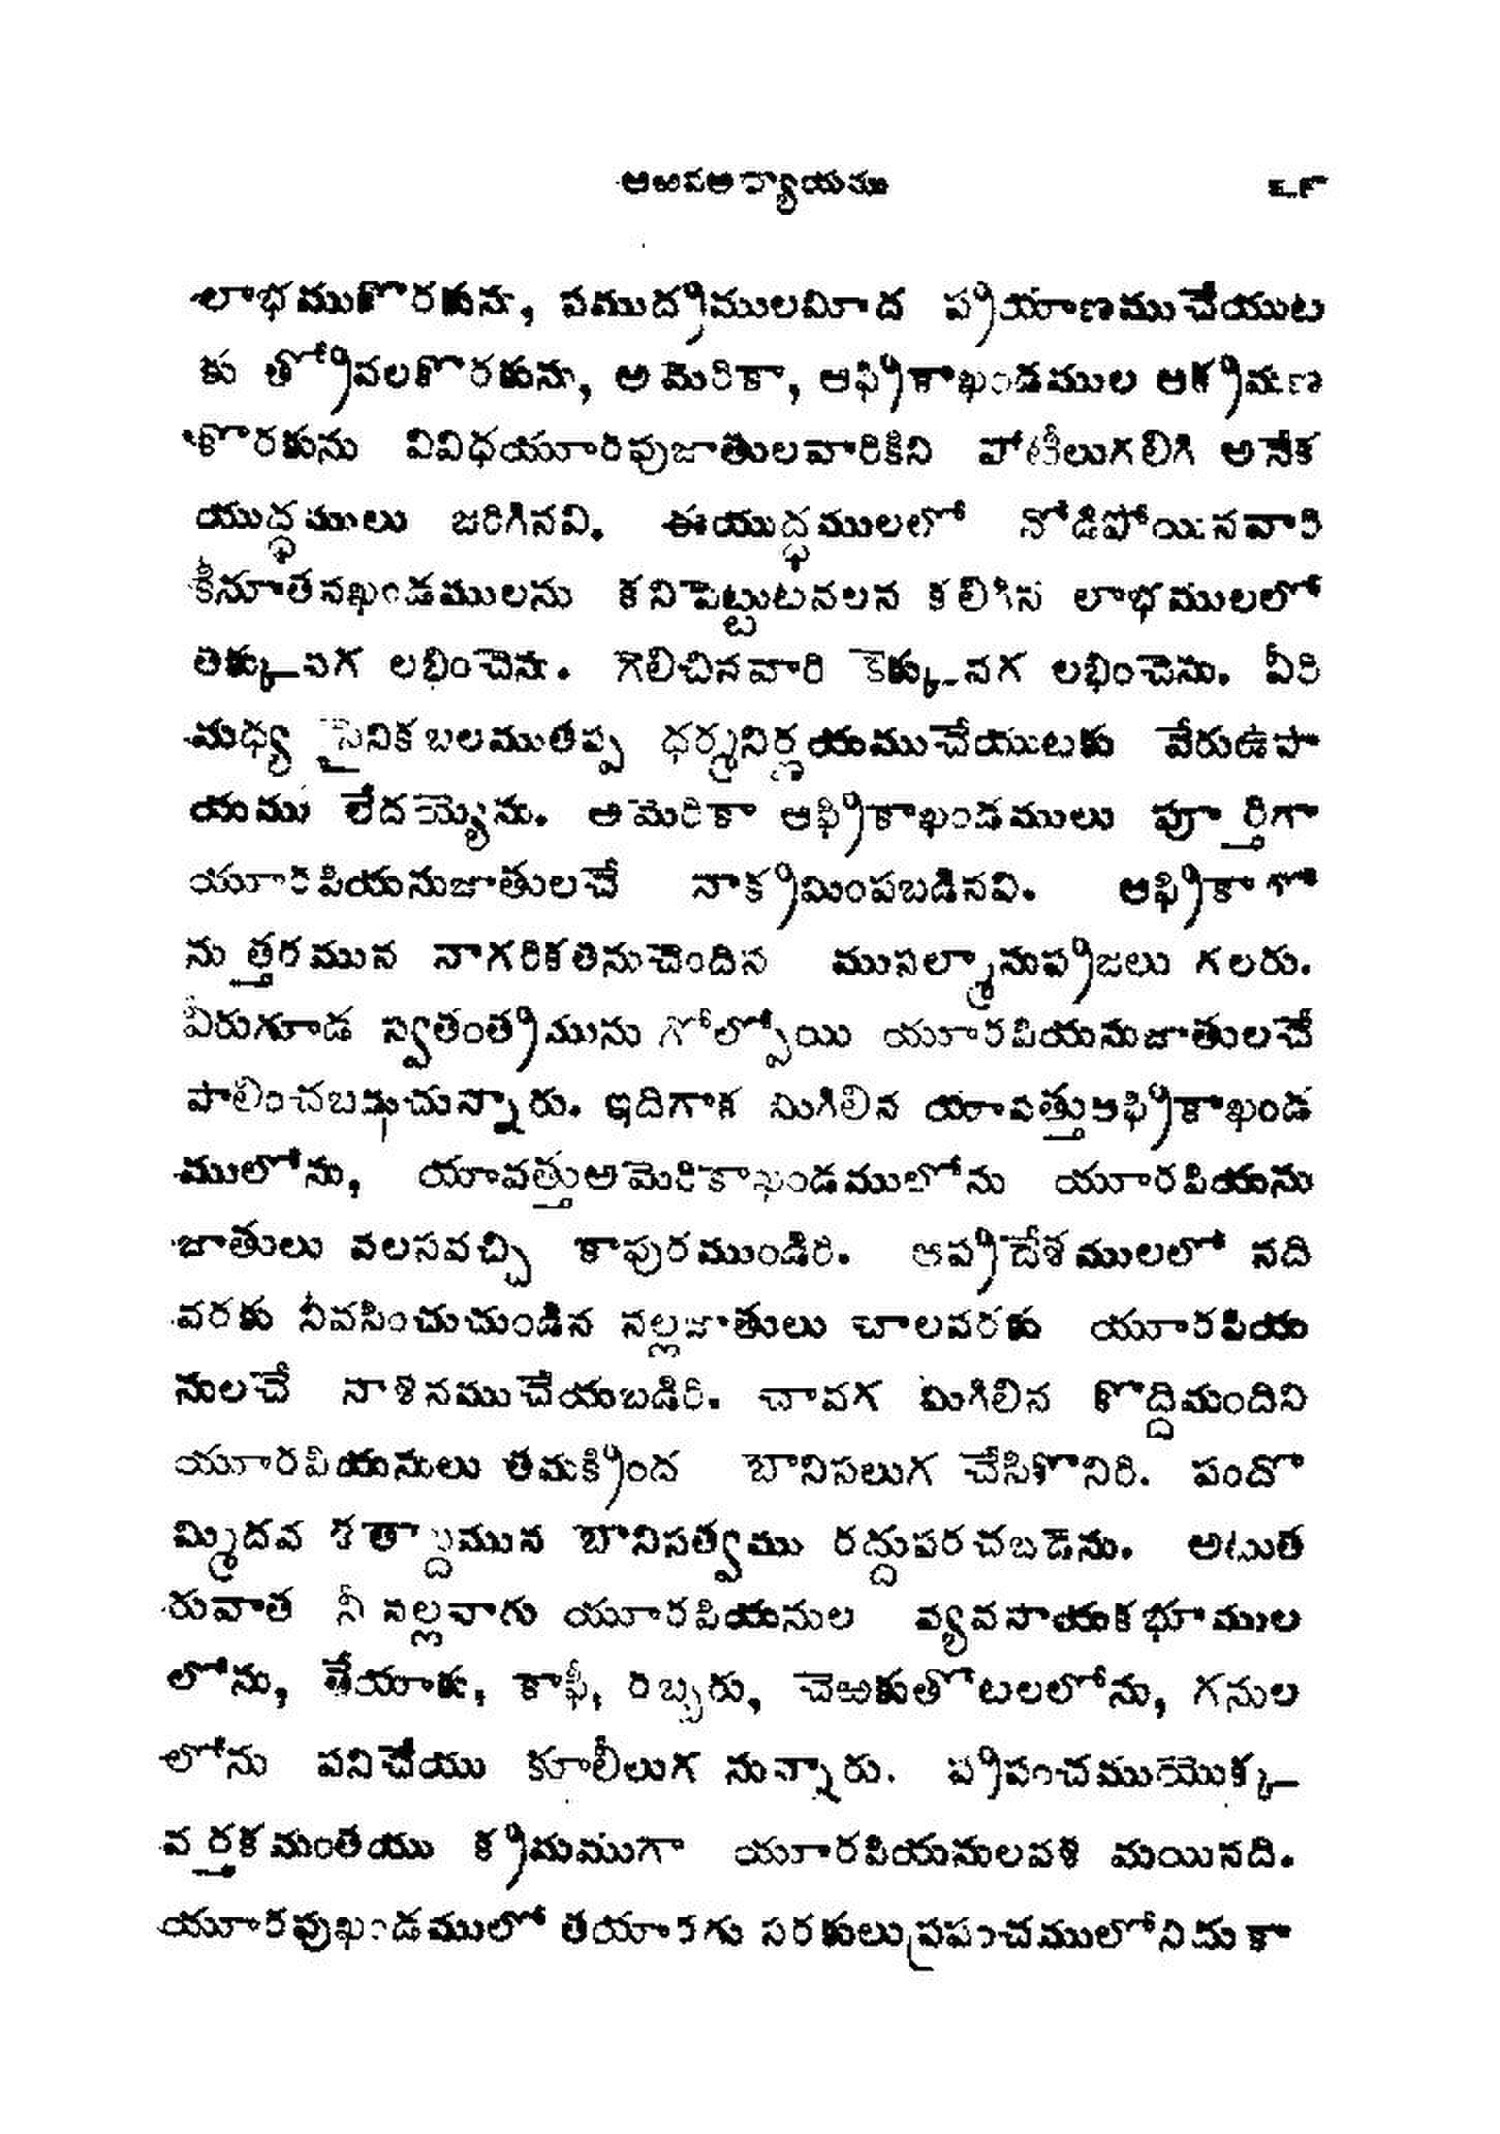లాభముకొరకును, సముద్రములమీద ప్రయాణము చేయుట
కు తోవల కొరకును, అమెరికా, ఆఫ్రికాఖండముల ఆక్రమణ
కొరకును వివిధ యూరవుజాతుల వారికిని పోటీలుగలిగి అనేక
యుద్ధములు జరిగినవి. ఈ యుద్ధములలో నోడిపోయినవారి
కీనూతనఖండములను కని పెట్టుట వలన కలిగే లాభములలో
లెక్కువగా లభించెను. గెలిచిన వారి కెక్కు వగ లభించెను. వీటి
మధ్య సైనిక బలముతప్ప ధర్మనిర్ణయము చేయుటకు వేరు ఉపొ
యము లేదయ్యేను. ఆమెరికా ఆప్రికా ఖండములు పూర్తిగా
యూరి పియసు జూతులచే నాక్రమింపబడినవి. ఆఫ్రికాలో
నుత్తరమున నాగరికతను చెందిన ముసల్మాసుప్రజలు గలరు.
వీరుగూడ స్వతంత్రమును కోల్పోయి యూరపియను జాతులచే
పాలించబముచున్నారు. ఇదిగాక మిగిలిన యావత్తు ఆఫ్రికాఖండ
ములోను, యావత్తు అమెరికా ఖండములోను యూరపియను
‘జాతులు వలసవచ్చి కాపురముండిరి. ఆప్రదేశములలో నది
వరకు నివసించుచుండిన నల్లజాతులు చాలవరకు యూరపియ
సులచే నాశనము చేయబడిరి. చావగ మిగిలిన కొద్దిమందిని
యూరపియనులు తమకింద బానిసలుగ చేసికొనిరి. పందొ
మ్మిదవ శతాబ్దమున బానిసత్వము రద్దుపరచబడెను. అటుత
రువాత నీ నల్లవారు యూరపియనుల వ్యవసాయక భూముల
లోను, తేయాకు, కాఫీ, రబ్బరు, చెఱకుతోటలలోను, గనుల
లోను పనిచేయు కూలీలుగ సున్నారు. ప్రపంచము యొక్క
వర్తక మంతయు క్రమముగా యూరపియనులవశ మయినది.
యూరపుఖండములో తయారగు సరకులు ప్రపుచములోని దుకా